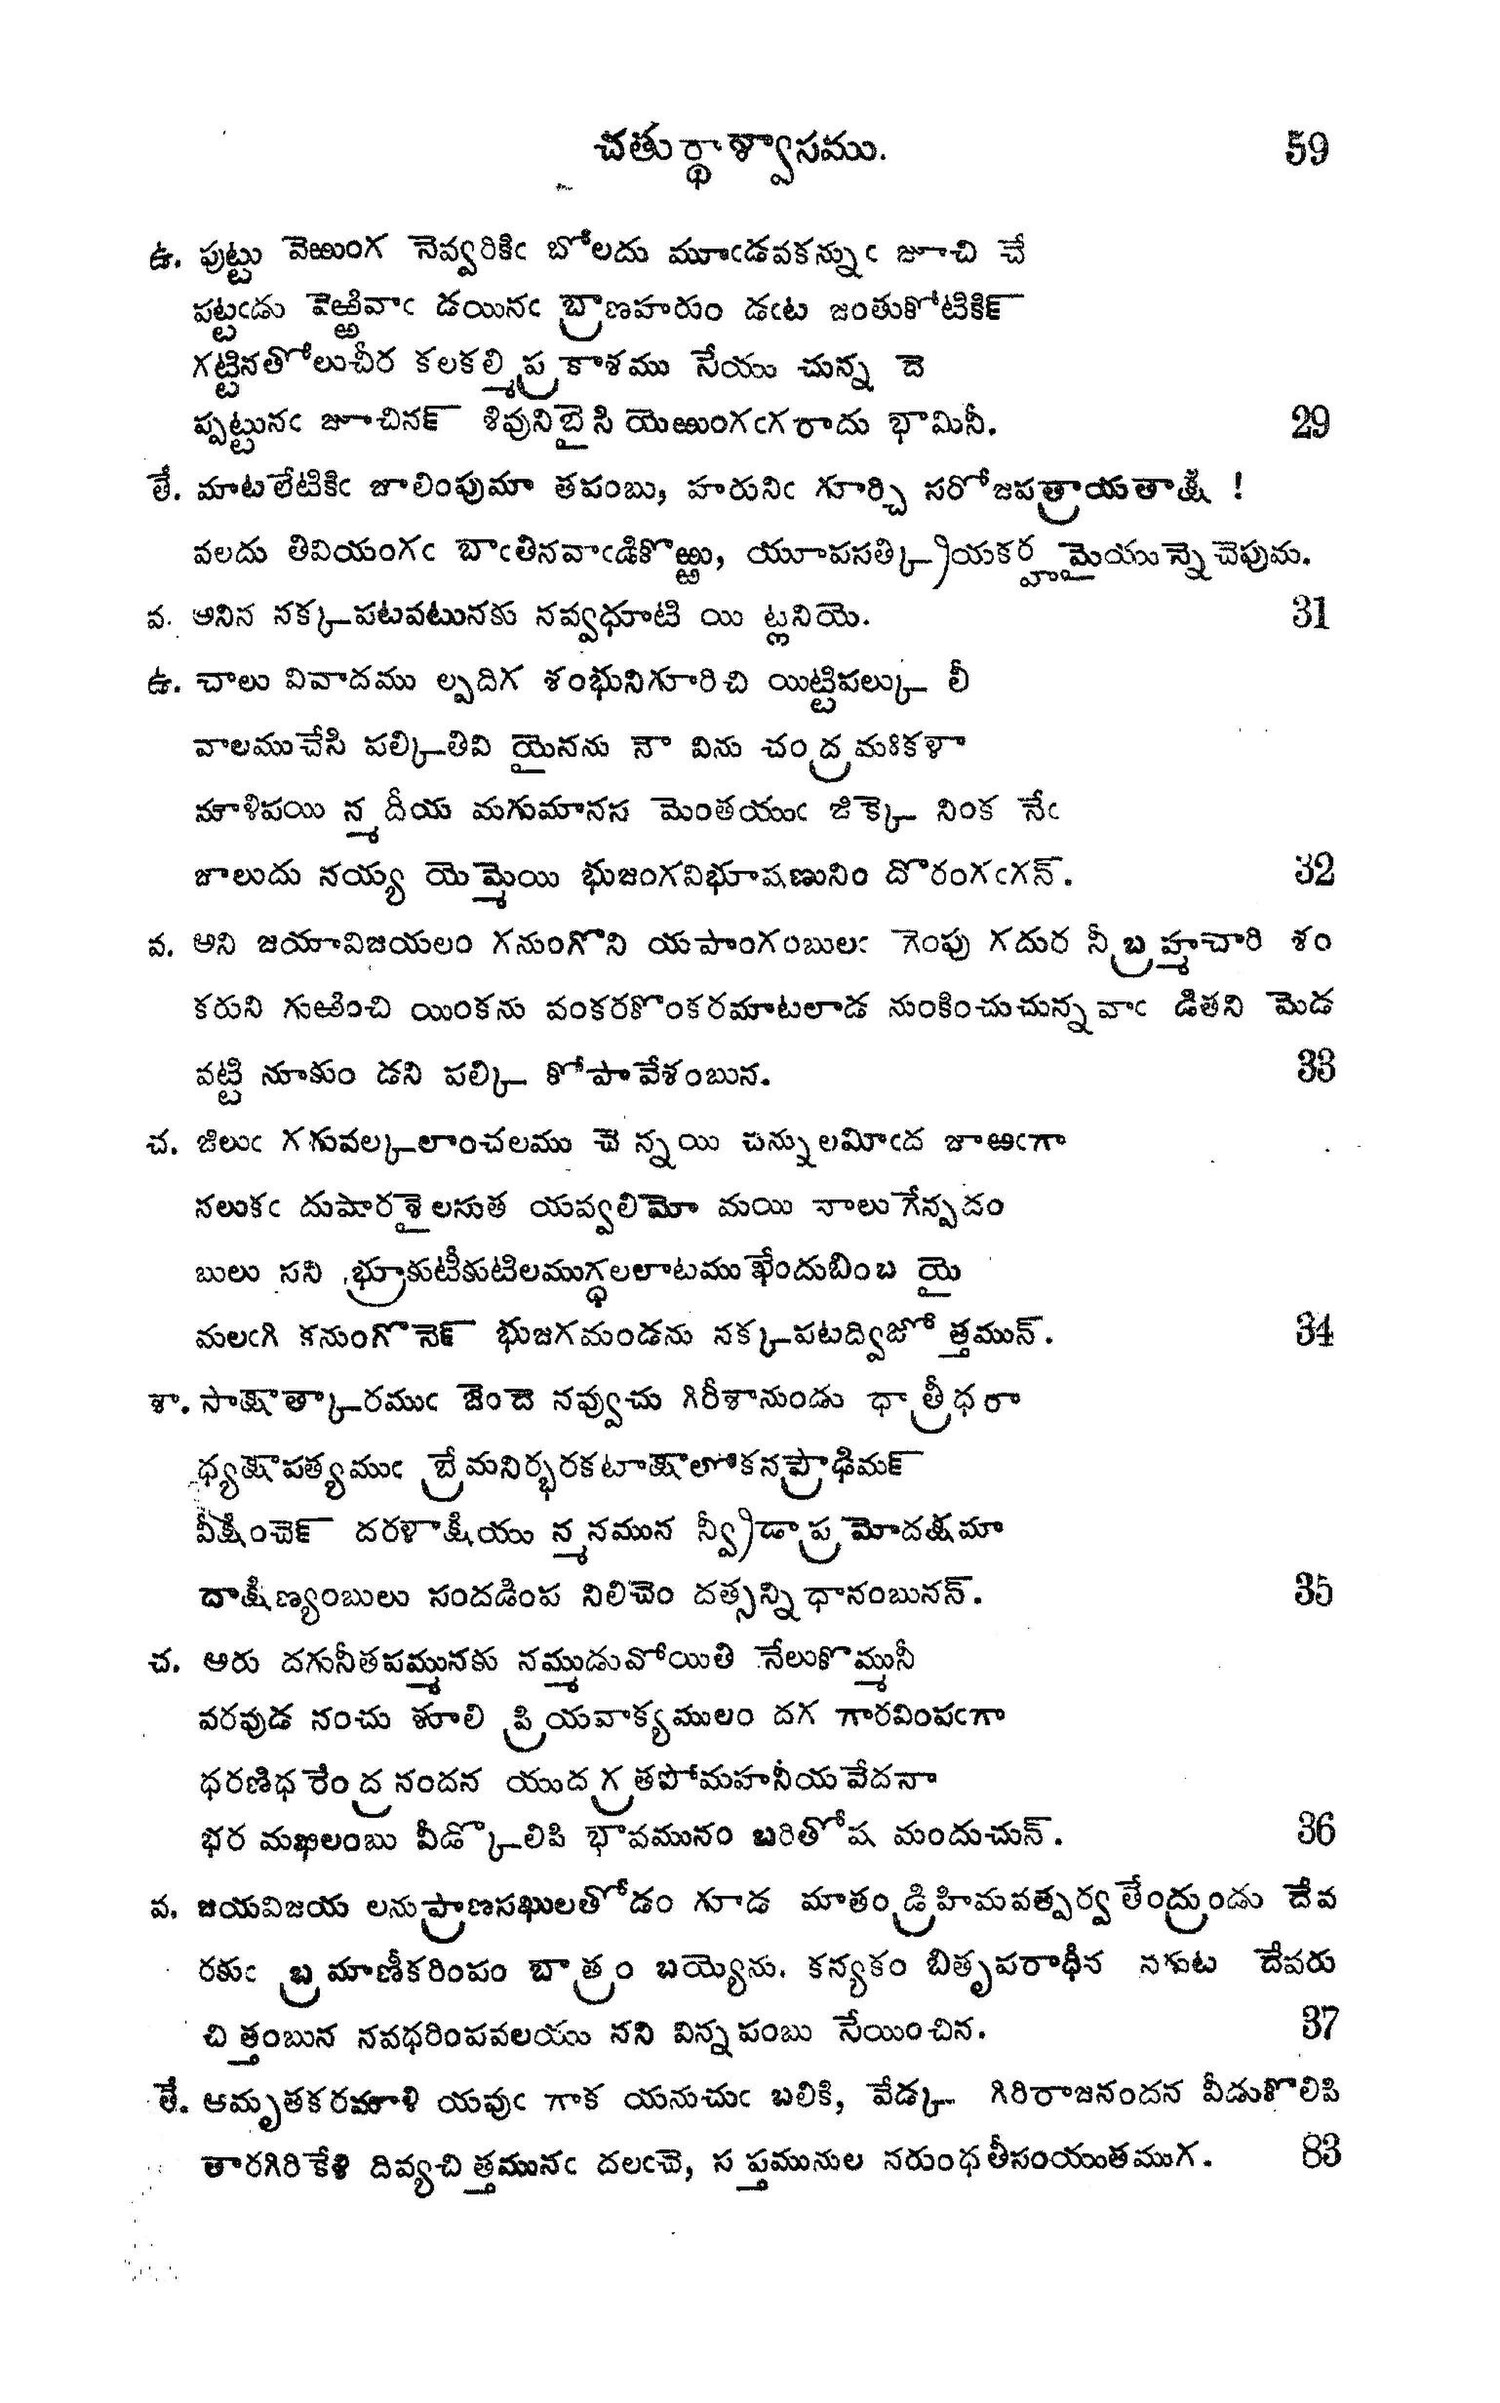ఉ. పుట్టు వెఱుంగ నెవ్వరికిఁ బోలదు మూఁడవకన్నుఁ జూచి చే
పట్టఁడు వెఱ్ఱివాఁ డయినఁ బ్రాణహరుం డఁట జంతుకోటికిన్
గట్టిన తోలుచీర కలకల్మిప్రకాశము సేయుచున్న దె
ప్పట్టునఁ జూచినన్ శివుని బైసి యెఱుంగఁగరాదు భామినీ. 29

తే. మాట లేటికిఁ జాలింపుమా తపంబు, హరునిఁ గూర్చి సరోజపత్రాయతాక్షి!
వలదు తివియంగఁ బాఁతినవాఁడికొఱ్ఱు, యూపసత్క్రియకర్హమై యున్నె చెపుమ. 30

వ. అనిన నక్కపటవటునకు నవ్వధూటి యి ట్లనియె. 31

ఉ. చాలు వివాదము ల్పదిగ శంభునిగూరిచి యిట్టిపల్కు లీ
వాలము చేసి పల్కితివి యైనను నౌ విను చంద్రమఃకళా
నూళిపయి న్మదీయ మగుమానస మెంతయుఁ జిక్కె నింక నేఁ
జాలుదు నయ్య యెమ్మెయి భుజంగవిభూషణునిం దొరంగఁగన్. 32

వ. అని జయావిజయలం గనుంగొని యపాంగంబులఁ గెంపు గదుర నీ బ్రహ్మచారి శంకరుని గుఱించి యింకను వంకరకొంకరమాటలాడ నుంకించుచున్నవాఁ డితని మెడ వట్టి నూకుం డని పల్కి కోపావేశంబున. 33

చ. జిలుఁ గగువల్కలాంచలము చెన్నయి చన్నులమీఁద జాఱఁగా
నలుకఁ దుషారశైలసుత యవ్వలిమో మయి నాలుగేన్పదం
బులు సని భ్రూకుటీకుటిలముగ్ధలలాటముఖేందుబింబ యై
మలఁగి కనుంగొనెన్ భుజగమండను నక్కపటద్విజోత్తమున్. 34

శా. సాక్షాత్కారముఁ జెందె నవ్వుచు గిరీశానుండు ధాత్రీధరా
ధ్యక్షాపత్యముఁ బ్రేమనిర్భరకటాక్షాలోకనప్రౌఢిమన్
వీక్షించెన్ దరళాక్షియు న్మనమున న్వ్రీడాప్రమోదక్షమా
దాక్షిణ్యంబులు సందడింప నిలిచెం దత్సన్నిధానంబునన్. 35

చ. అరు దగునీతపమ్మునకు నమ్ముడువోయితి నేలుకొమ్ము నీ
వరవుడ నంచు శూలి ప్రియవాక్యములం దగ గారవింపఁగా
ధరణిధరేంద్రనందన యుదగ్రతపోమహనీయవేదనా
భర మఖిలంబు వీడ్కొలిపి భావమునం బరితోష మందుచున్. 36

వ. జయవిజయ లనుప్రాణసఖులతోడం గూడ మాతండ్రి హిమవత్పర్వతేంద్రుండు దేవరకుఁ బ్రమాణీకరింపం బాత్రం బయ్యెను. కన్యకం బితృపరాధీన నగుట దేవరు చిత్తంబున నవధరింపవలయు నని విన్నపంబు సేయించిన. 37

తే. అమృతకరమౌళి యవుఁ గాక యనుచుఁ బలికి, వేడ్క గిరిరాజనందన వీడుకొలిపి
తారగిరి కేఁగి దివ్యచిత్తమునఁ దలఁచె, సప్తమునుల నరుంధతీసంయుతముగ. 38